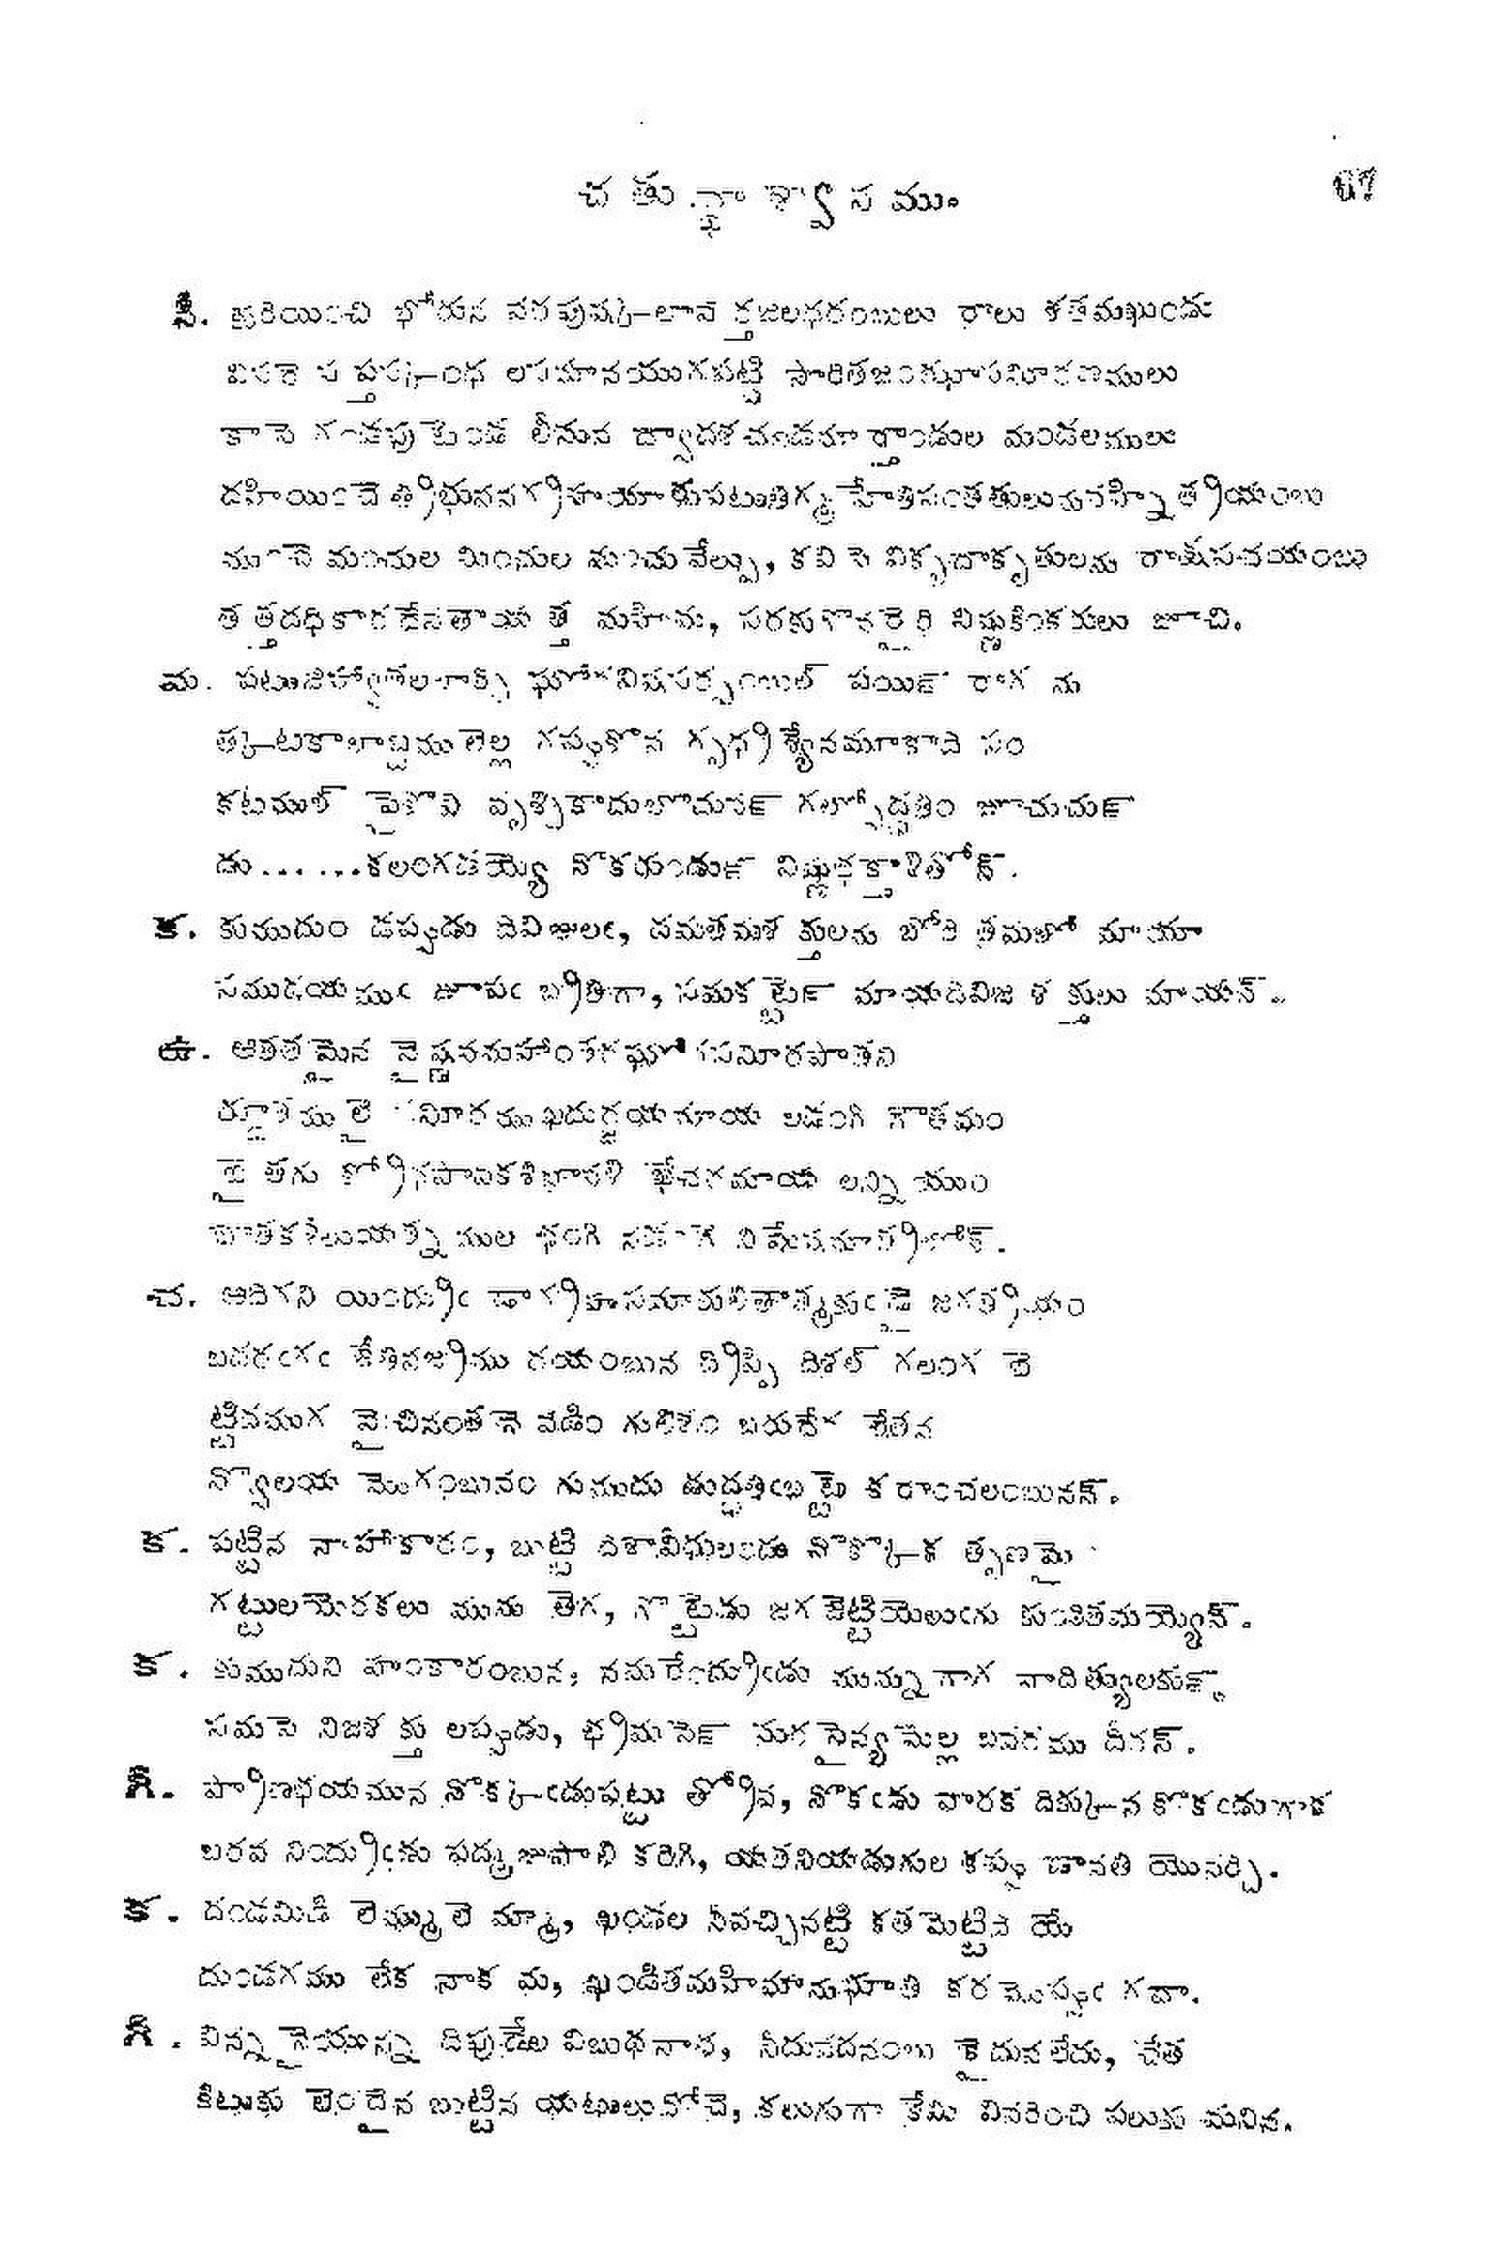సీ. కురియించి భోరున వరపుష్కలావర్తజలధరంబులు రాలు శతమఖుండు
 విసరె సప్తస్కంధ లసమానయుగపట్టి సారితజంఝాసమీరణములు
 కాసె గండపుటెండ లీసున ద్వాదశచండమార్తాండుల మండలములు
 దహియించె త్రిభువనగ్రహయాళుపటుతిగ్మహేతిసంతతులును వహ్నిత్రయంబు
 ముంచె మంచుల మించుల మంచువేల్పు, కవిసె వికృదాకృతులను రాక్షసచయంబు
 తత్తదధికారదేవతాయత్తమహిమ, సరకుగొనరైరి విష్ణుకింకరులు జూచి.
మ. పటుజిహ్వాతలలార్చి ఘోరవిషసర్పంబుల్ పయిన్ రాగ ను
 త్కటకాలాబ్దములెల్ల గప్పుకొన గృధ్రశ్యేనమూకాది సం
 కటముల్ పైకొని వృశ్చికాదులొదునన్ గల్పోద్ధతిం జూచుచున్
 డు............కలంగడయ్యె నొకరుండున్ విష్ణుభక్తాళితోన్.
క. కుముదుం డప్పుడు దివిజులఁ, దమతమశక్తులను బోరి తమలో మాయా
 సముదయముఁ జూపఁ బ్రతిగా, సమకట్టెన్ మాయదివిజశక్తులు మాయన్.
ఉ. ఆతతమైన వైష్ణవమహాంతరఘోరసమీరపాతని
 ర్దూతములై సమీరముఖదుర్జయమాయ లడంగి గౌతమం
 బై తగు క్రోధపావకశిఖావళి ఖేచరమాయ లన్నియుం
 బాతకశీలుయత్నముల భంగి నడంగె నిమేషమాత్రలోన్.
చ. అది గని యింద్రుఁ డాగ్రహసమాకులితాత్మకుఁడై జగత్రయం
 బదరఁగఁ జేతివజ్రము రయంబున ద్రిప్పి దిశల్ గలంగ బె
 ట్టిదముగ వైచినంతనె పడిం గులిశం బరుదేర చేతన
 న్వొలయ మొగంబునం గుముదుఁ డుద్ధతిఁ బట్టె కరాంచలంబునన్.
క. పట్టిన నాహాకారం, బుట్టి దిశావీథులందు నొక్కొక తృణమై
 గట్టులయెరకలు మును తెగ, గొట్టెడు జగజెట్టియెలుఁగు కుంఠితమయ్యెన్.
క. కుముదుని హంకారంబున, నమరేంద్రుఁడు మున్నుగాగ నాదిత్యులకున్
 సమసె నిజశక్తు లప్పుడు, భ్రమసెన్ సురసైన్యమెల్ల బవరము దీరన్.
గీ. ప్రాణభయమున నొక్కఁడుపట్టు త్రోవ, నొకఁడు వారక దిక్కున కొకఁడు గాక
 బరవ నింద్రుఁడు పద్మజుపాలి కరిగి, యతనియడుగుల కప్పు డానతి యొనర్చి.
క. దండమిడి లెమ్ము లె మ్మా, ఖండల నీవచ్చినట్టి కత మెట్టిది యే
 దుండగము లేక నాక మ, ఖండితమహిమానుభూతి కరమొప్పుఁ గదా.
గీ . విన్ననైయున్న దిపుడేల విబుధనాథ, నీదువదనంబు కైదువ లేదు, చేత
 కిటుకు లెందైన బుట్టిన యటులుదోచె, కలుగగా కేమి వివరించి పలుకు మనిన.